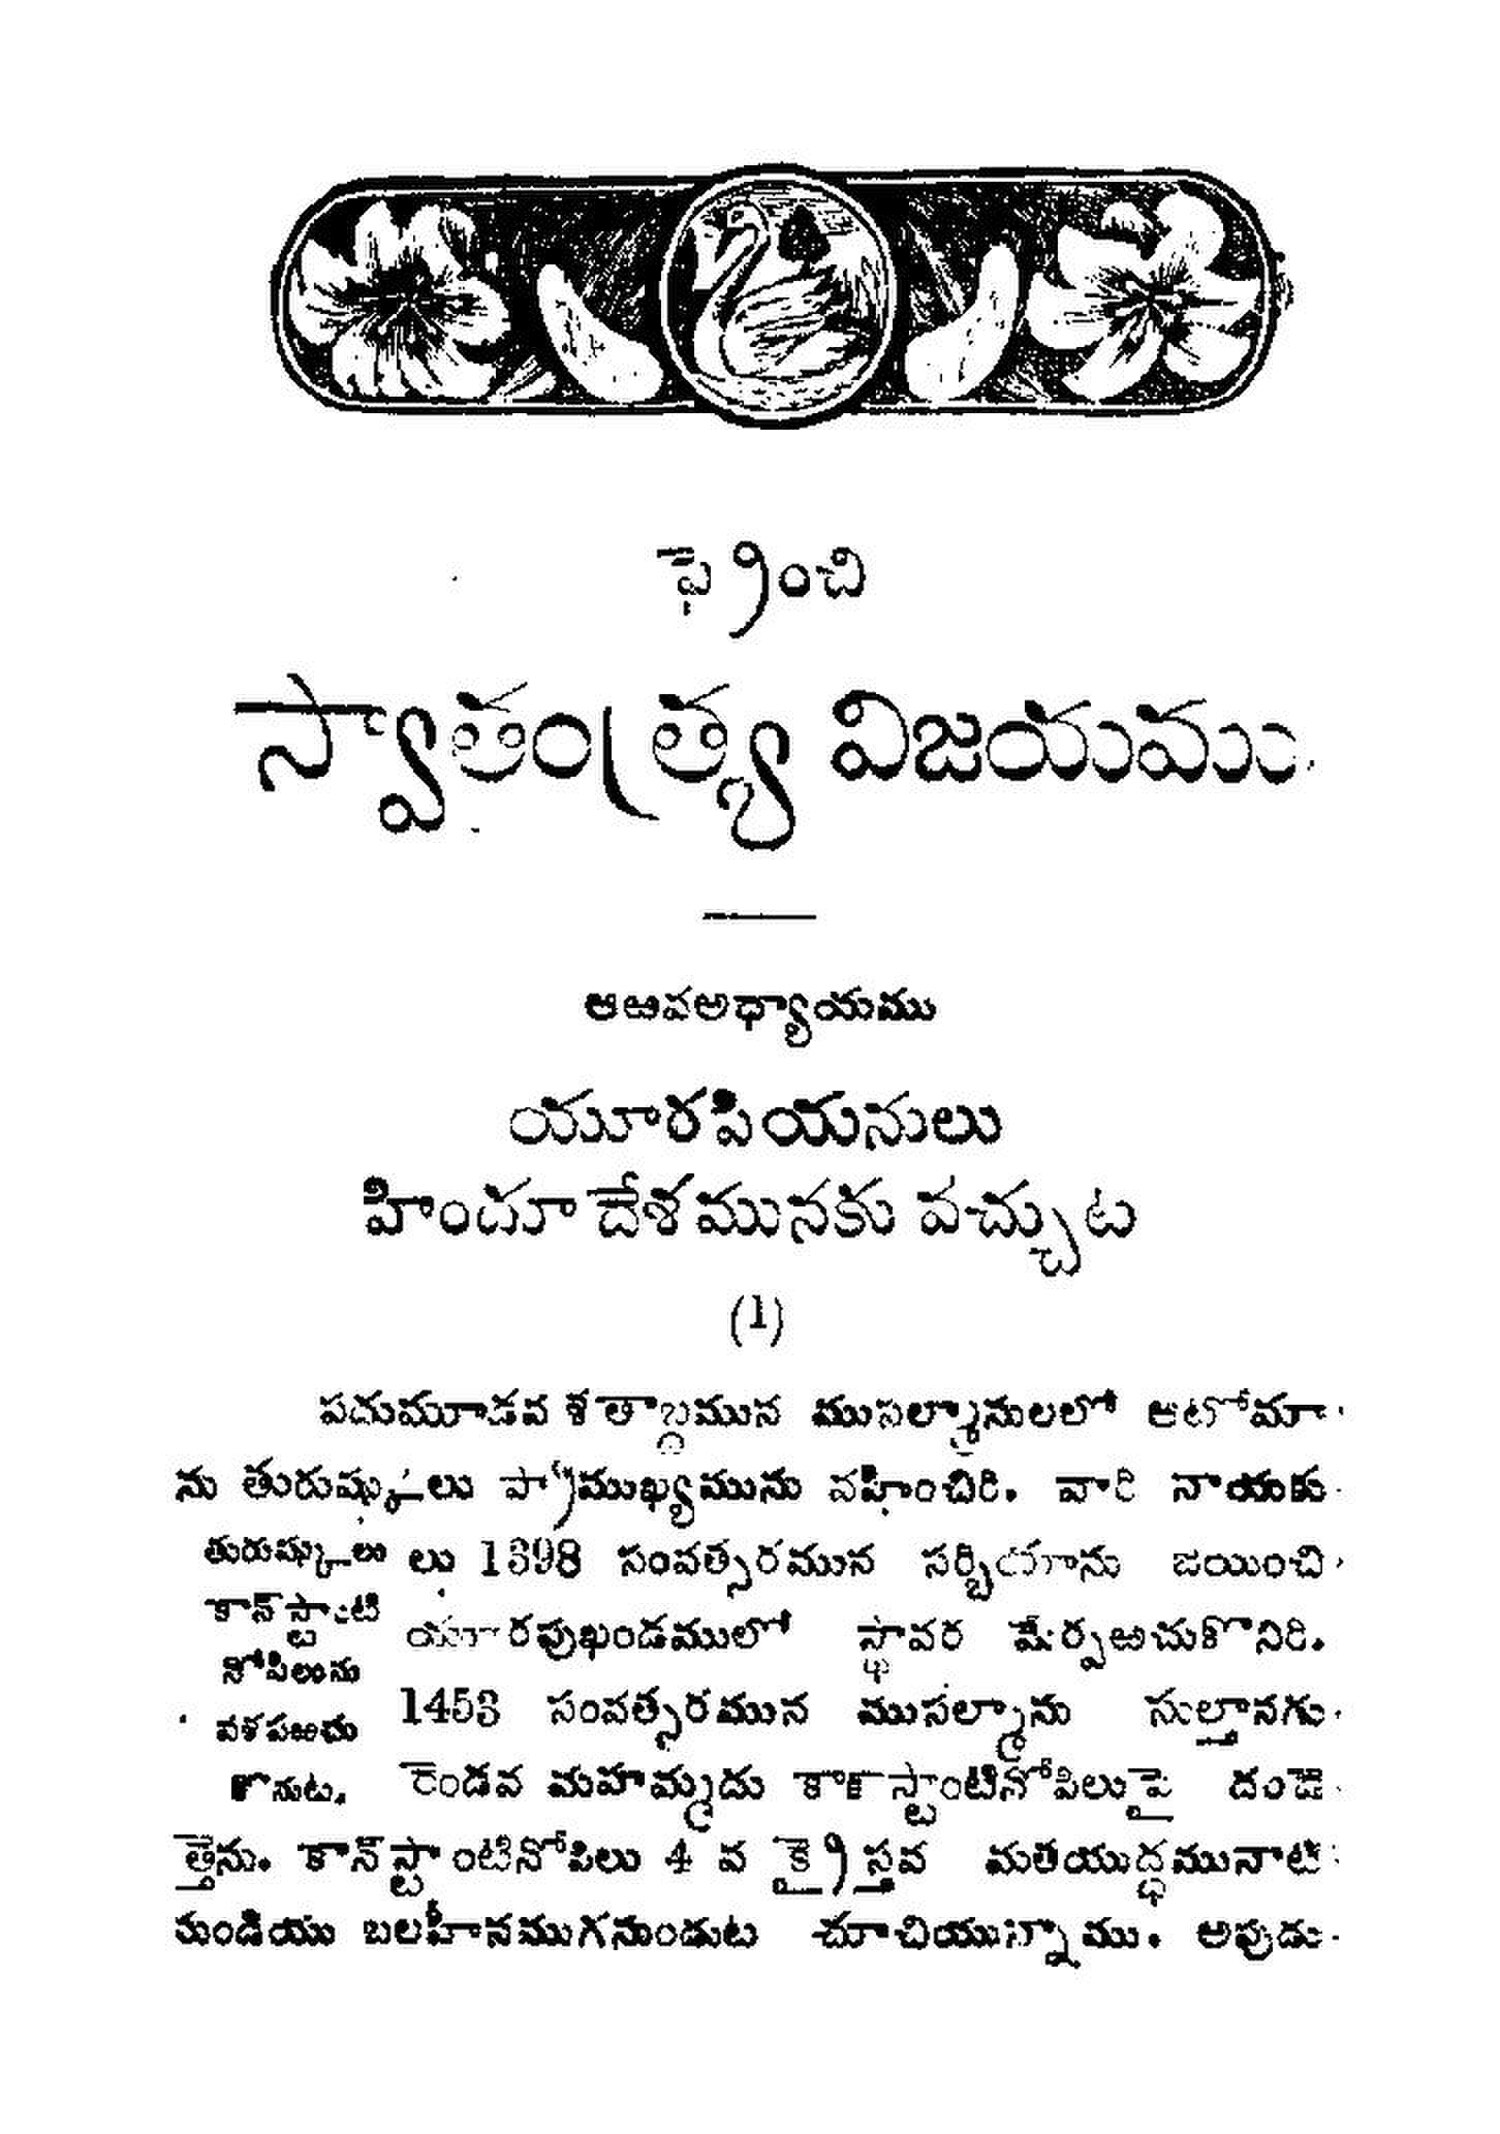తురుష్కులులు
కౌన్ స్టాంటి
నోపిలును
వశపరచు
కొనుట,

పదుమూడవ శతాబ్దమున ముసల్మానులలో ఆటోమా
ను తురుష్కులు ప్రాముఖ్యమును వహించిరి. వారి నాయకులు
1398 సంవత్సరమున సర్బియాను జయించి ,
యూరపుఖండములో స్థావర మేర్పజచు కొనిరి.
1453 సంవత్సరమున ముసల్మాను సుల్తానగు"
రెండవ మహమ్మదు కాన్ స్టాంటినోపిలు పై దండె
త్తెను. "కాన్ స్టాంటి నోపిలు 4 వ క్రైస్తవ మత యుద్ధమునాటి :
నుండియు బలహీనముగ నుండుట చూచియున్నాము. అపుడు.